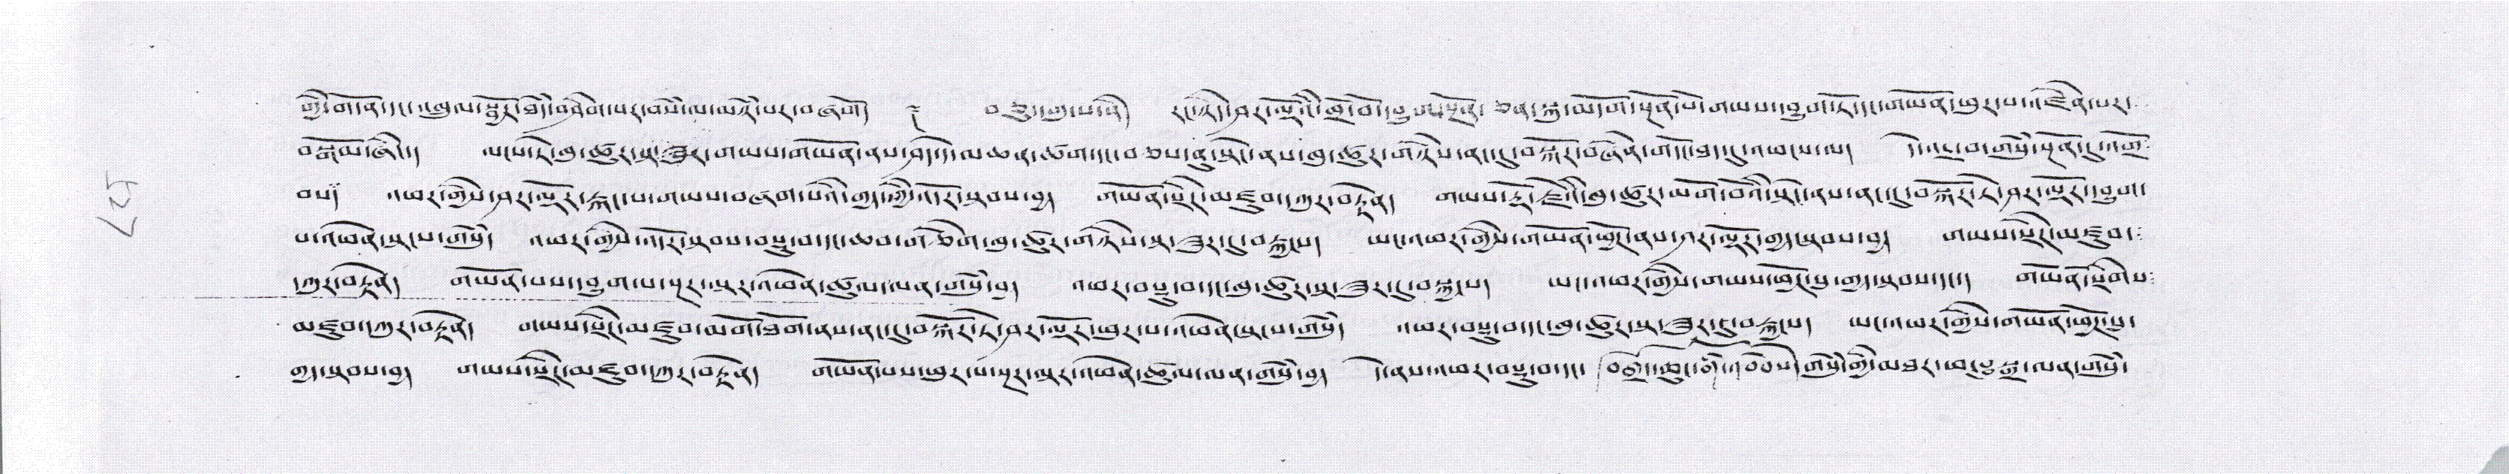གྱི་གདོན་དང་འཁྲུལ་སྦྱོར་ཐམས་ཅད་བཤིག་པར་བསམ་ལ་མཉམ་པར་བཞག་གོ། ༧ བཅུ་དགུ་པ་ནི། རང་ཉིད་ཤར་ལྷོའི་ཁྲོ་བོ་དབྱུག་སྔོན་ཅན་སྐུ་མདོག་སྔོན་པོ་གཡས་དབྱུག་ཏོ་དང་གཡོན་ཕུར་པ་འཛིན་པར་
བསྒོམ་ཞིང་། ལངས་ཏེ་ཁུ་ཚུར་སྟ་ཟུར་གཡས་གཡོན་ནས་ཤད་དེ་མཆན་ཚག་དང་བཅས་ནུ་སྟེང་ནས་ཁུ་ཚུར་གཉིས་ནང་དུ་བསྐོར་བཞིན་གདོང་ཐད་དུ་འཕངས་ལ། དེ་འདྲ་བ་གསུམ་སྔོན་དུ་འགྲོ་
བས། འཕར་གྱིས་ཤར་ལྷོར་རྐང་པ་གཡས་བཞག་པའི་གྱད་ཀྱི་འདོར་སྟབས་བྱ། གཡོན་སྡིགས་མཛུབ་དཀུར་བརྟེན། གཡས་རྡོ་རྗེའི་ཁུ་ཚུར་མགོ་བོའི་སྟེང་ནས་ནང་དུ་བསྐོར་ཏེ་ཤར་ལྷོར་དབྱུག་
པ་འཕེན་སྟངས་གསུམ། འཕར་གྱིས་འདོར་སྟབས་བསྡུ་བ་དང་ཆབས་ཅིག་ཁུ་ཚུར་གཉིས་སྟ་ཟུར་དུ་བརྐྱངས། ཡང་འཕར་གྱིས་གཡོན་ཕྱོགས་ནས་ཤར་ལྷོར་གྱད་སྟབས་བྱ། གཡས་སྡིགས་མཛུབ་
དཀུར་བརྟེན། གཡོན་པས་དབྱུགས་པ་སྔར་ལྟར་འཕེན་ཚུལ་ལན་གསུམ་བྱ། འཕར་བསྡུ་བ་དང་ཁུ་ཚུར་སྟ་ཟུར་དུ་བརྐྱངས། ཡང་འཕར་གྱིས་གཡས་ཕྱོགས་སུ་གྱད་སྟབས་དང་། གཡོན་སྡིགས་
མཛུབ་དཀུར་བརྟེན། གཡས་སྡིགས་མཛུབ་མགོ་ཐོག་ནས་ནང་དུ་བསྐོར་ཏེ་ཤར་ལྷོར་ཕུར་པ་འཕེན་སྟངས་གསུམ། འཕར་བསྡུ་བ་དང་ཁུ་ཚུར་སྟ་ཟུར་དུ་བརྐྱངས། ཡང་འཕར་གྱིས་གཡོན་ཕྱོགས་སུ་
གྱད་སྟབས་བྱ། གཡས་སྡིགས་མཛུབ་དཀུར་བརྟེན། གཡོན་པས་ཕུར་པ་སྔར་ལྟར་འཕེན་ཚུལ་ལན་གསུམ་བྱ། དེ་ནས་འཕར་བསྡུ་བ་དང་༼བགྲད་ཆུང་གི་འབེབས༽གསུམ་གྱི་མཐར་ཕཊཿསྒྲ་ལན་གསུམ་